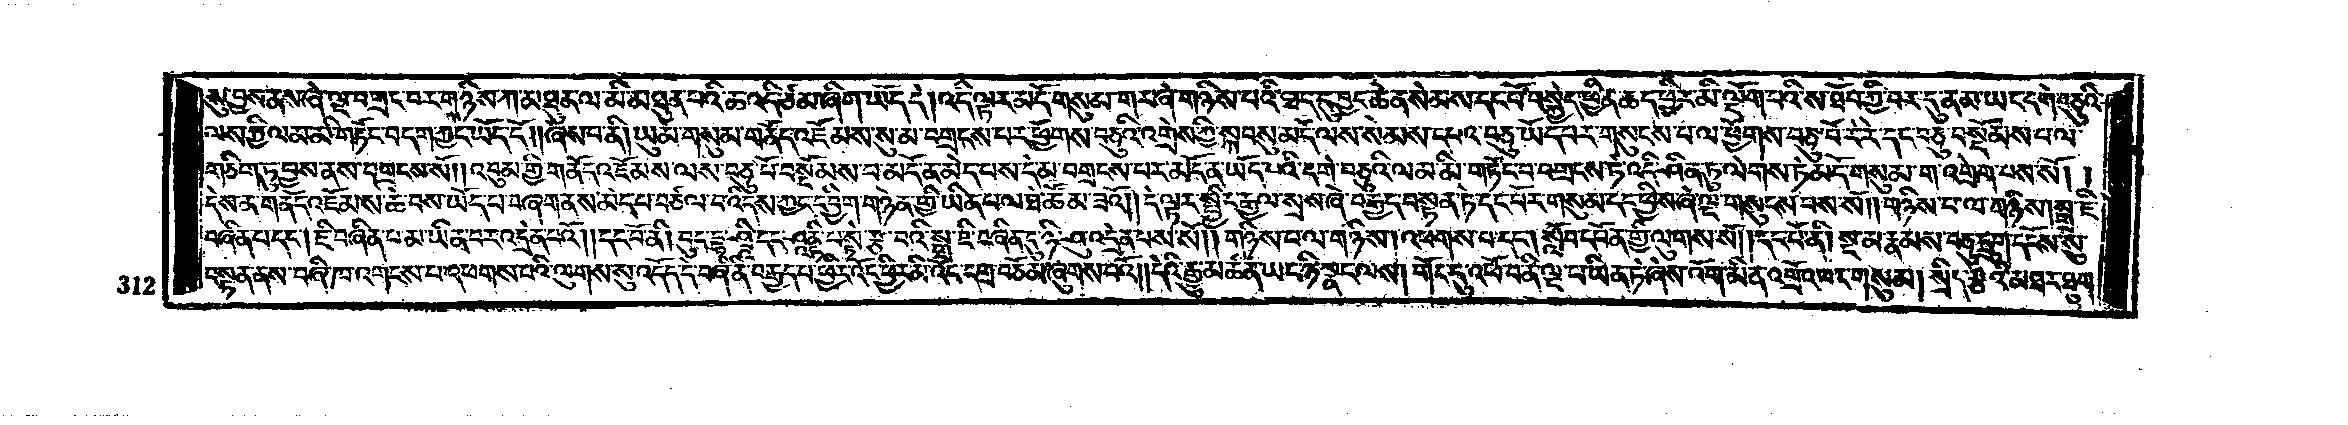སུ་བྱས་ནས་ཞེ་ལྔ་བགྲང་བར་གཉིས་ཀ་མཐུན་ལ་མི་མཐུན་པའི་ཆ་འདི་ཙམ་ཞིག་ཡོད་དེ། འདི་ལྟར་མདོ་གསུམ་གར་ཞེ་གཉིས་པའི་ཐར་དུ་བྱང་ཆེན་སེམས་དང་པོ་བསྐྱེད་ཕྱིན་ཆད་ཕྱིར་མི་ལྡོག་པའི་ས་ཐོབ་ཀྱི་བར་དུ་ནམ་ཡང་དགེ་བཅུའི་
ལས་ཀྱི་ལམ་མི་གཏོང་བ་དག་ཀྱང་ཡོད་དོ། །ཞེས་པ་ནི། ཡུམ་གསུམ་གནོད་འཇོམས་སུ་མ་བགྲངས་པར་ཕྱོགས་བཅུའི་འགྲེས་ཀྱི་སྐབས་སུ་མདོ་ལས་སེམས་དཔའ་བཅུ་ཡོད་པར་གསུངས་པ་ལ་ཕྱོགས་བཅུ་པོ་རེ་རེ་དང་བཅུ་བསྡོམས་པ་ལ་
གཅིག་ཏུ་བྱས་ནས་བགྲངས་སོ། །འབུམ་གྱི་གནོད་འཇོམས་ལས་བཅུ་པོ་བསྡོམས་པ་མདོ་ན་མེད་པས་དེ་མ་བགྲངས་པར་མདོ་ན་ཡོད་པའི་དགེ་བཅུའི་ལམ་མི་གཏོང་བ་བགྲངས་ཏེ་འདི་ཤིན་ཏུ་ལེགས་ཏེ་མདོ་གསུམ་ག་འགྲག་པས་སོ། །
དེས་ན་གནོད་འཇོམས་ཆེ་བས་ཡོད་པ་བཞག་ནས་མེད་པ་བཙལ་བ་འདིས་ཀྱང་དབྱིག་གཉེན་གྱི་ཡིན་པ་ལ་ཐེ་ཚོམ་ཟའོ། །དེ་ལྟར་སྤྱིར་རྒྱལ་སྲས་ཞེ་བརྒྱད་བསྟན་ཏེ་དང་པོར་གསུམ་དང་ཕྱིས་ཞེ་ལྔ་གསུངས་པས་སོ། །གཉིས་པ་ལ་གཉིས། སྒྲ་ཇི་
བཞིན་པ་དང་། ཇི་བཞིན་པ་མ་ཡིན་པར་འདྲེན་པའོ། །དང་པོ་ནི། བུད་དྷ་ཤྲཱི་དང་ཤཱནྟི་པ་སྟེ་རྩ་བའི་སྒྲ་ཇི་བཞིན་དུ་ཉི་ཤུ་འདྲེན་པས་སོ། །གཉིས་པ་ལ་གཉིས། འཕགས་པ་དང་། སློབ་དཔོན་གྱི་ལུགས་སོ། །དང་པོ་ནི། སྔ་མ་རྣམས་བཅུ་དྲུག་དངོས་སུ་
བསྟན་ནས་བཞི་ཁ་འགངས་པ་འཕགས་པའི་ལུགས་སུ་འདོད་དེ་བཞི་ནི་བརྒྱད་པ་ཕྱིར་འོང་ཕྱིར་མི་འོང་དགྲ་བཅོམ་ཞུགས་པའོ། །དེའི་རྒྱུ་མཚན་ཡང་ཉི་སྣང་ལས། གོང་དུ་འཕོ་བ་ནི་ལྔ་པ་ཡིན་ཏེ་ཞེས་འོག་མིན་འགྲོ་འཕར་གསུམ། སྲིད་རྩེའི་མཐར་ཐུག་